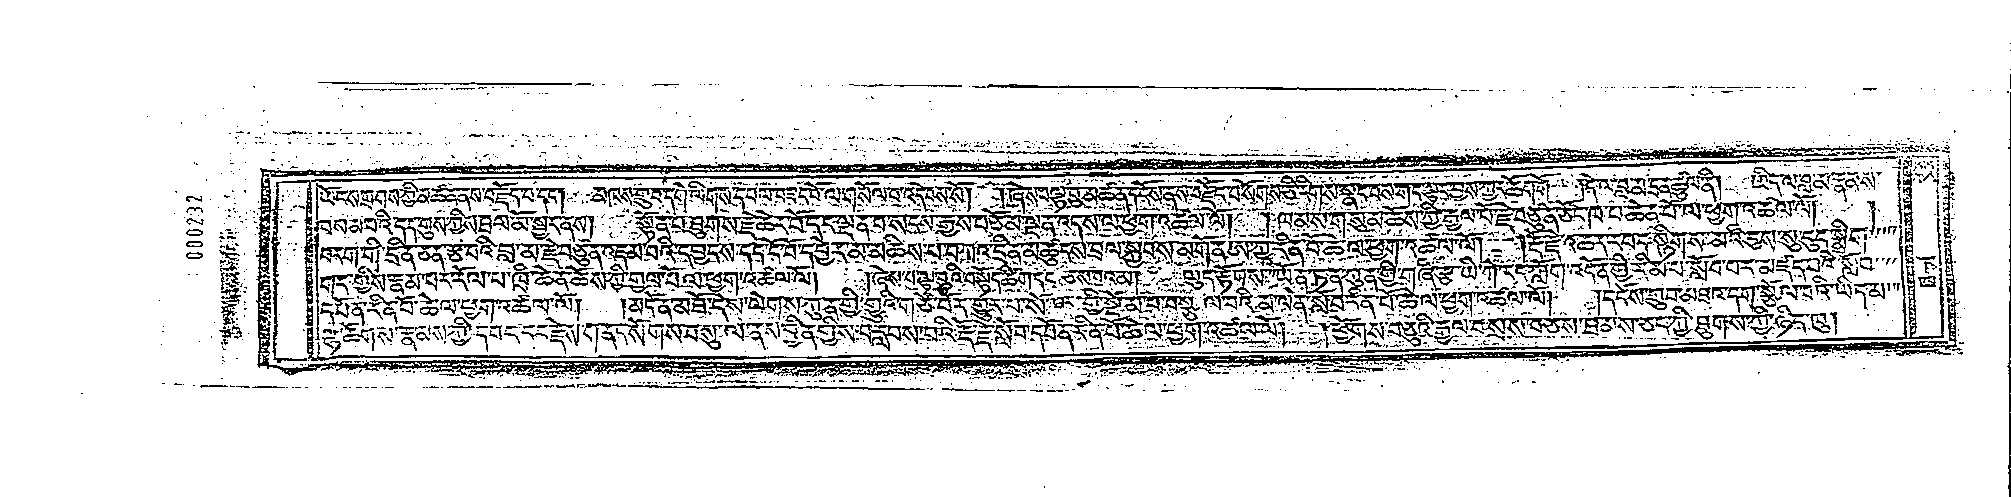ཡོངས་གྲགས་ཀྱི་མཚན་ནས་བརྗོད་པ་དང་། མཁས་གྲུབ་དགེ་ལེགས་དཔལ་བཟང་བོ་ལ་གསོལ་བ་འདེབས་སོ། །ཞེས་པ་ལྟ་བུ་མཚན་དངོས་ནས་བརྗོད་པ་སོགས་ཅི་རིགས་སྣང་བས་གང་ལྟར་བྱས་ཀྱང་ཆོག་གོ །དེ་ལ་བླ་མ་དྲན་ཚུལ་ནི། ཡིད་ལ་བླ་མ་རྣམས་
བསམ་པའི་དད་གུས་གྱིས་ཐལ་མོ་སྦྱར་ནས། སྟོན་པ་ཐུགས་རྗེ་ཆེན་པོ་དང་ལྡན་པ་སངས་རྒྱས་བཅོམ་ལྡན་འདས་ལ་ཕྱག་འཚལ་ལོ། །ཁམས་གསུམ་ཆོས་ཀྱི་རྒྱལ་པོ་རྗེ་བཙུན་ཙོང་ཁ་པ་ཆེན་པོ་ལ་ཕྱག་འཚལ་ལོ། །
བདག་གི་དྲིན་ཅན་རྩ་བའི་བླ་མ་རྗེ་བཙུན་འཇམ་པའི་དབྱངས་དང་ངོ་བོ་དབྱེར་མ་མཆིས་པ་བཀའ་དྲིན་མཚུངས་བྲལ་སྐྱབས་མགོན་ཨ་ཀྱཱ་རིན་པོ་ཆེ་ལ་ཕྱག་འཚལ་ལོ། །རྡོ་རྗེ་འཆང་དབང་སྙིགས་མའི་དུས་སུ་དུར་སྨྲིག་
གར་གྱིས་རྣམ་པར་རོལ་པ་ཁྲི་ཆེན་ཆོས་ཀྱི་རྒྱལ་པོ་ལ་ཕྱག་འཚལ་ལོ། །ཞེས་པ་ལྟ་བུའི་བསྟོད་ཚིག་དང་བཅས་པའམ། ལུང་རྟོགས་ཡོན་ཏན་ཀུན་གྱི་གཞི་རྩ་ཡི་གེ་དང་ཀློག་འདོན་གྱི་རིམ་པ་སློབ་པར་མཛད་པའི་སློབ་
དཔོན་རིན་པོ་ཆེ་ལ་ཕྱག་འཚལ་ལོ། །མངོན་མཐོ་ངེས་ལེགས་ཀུན་གྱི་རྒྱུའི་གཙོ་བོར་གྱུར་པ་སོ་ཐར་གྱི་སྡོམ་པ་ལ་སྩལ་བའི་མཁན་སློབ་རིན་པོ་ཆེ་ལ་ཕྱག་འཚལ་ལོ། །དངོས་གྲུབ་མཐའ་དག་སྩོལ་བའི་ཡི་དམ་
ལྷ་ཚོགས་རྣམས་ཀྱི་དབང་དང་རྗེས་གནང་སོགས་བསྩལ་ནས་བྱིན་གྱིས་བརླབས་བའི་རྡོ་རྗེ་སློབ་དཔོན་རིན་པོ་ཆེ་ལ་ཕྱག་འཚལ་ལོ། །ཕྱོགས་བཅུའི་རྒྱལ་བ་སྲས་བཅས་ཐམས་ཅད་ཀྱི་ཐུགས་ཀྱི་ཉིད་ཁུ།